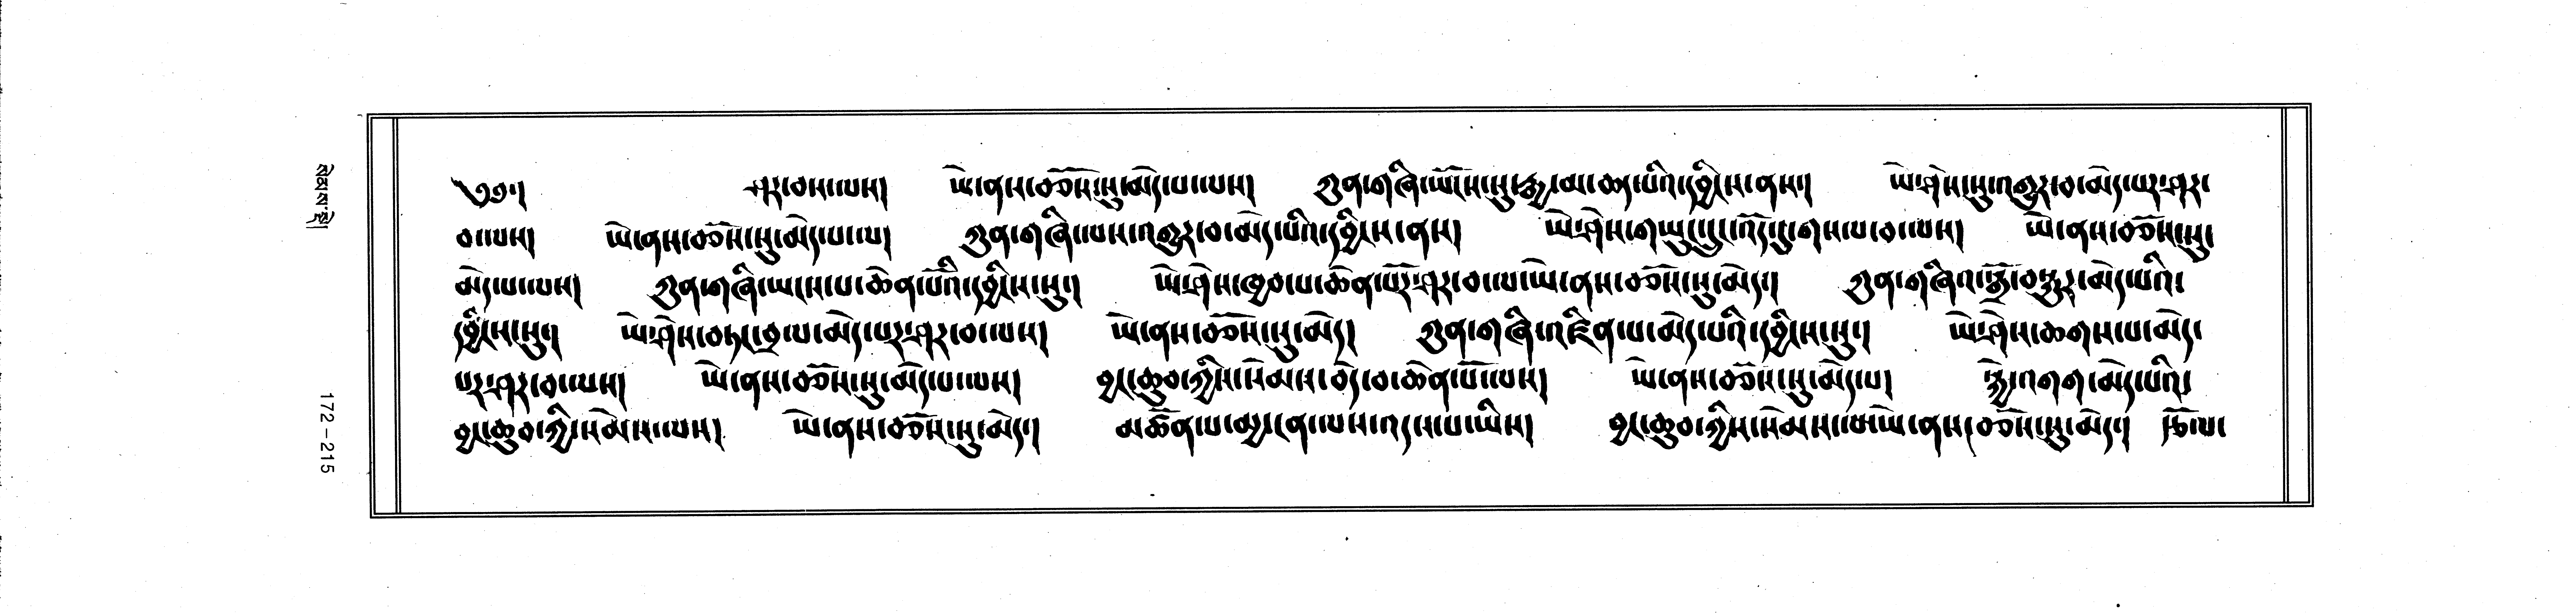ཤར་བས་ལས། ཡེ་ནས་བཅོས་སུ་མེད་པ་ལས། ཀུན་གཞི་ཡོངས་སུ་རྒྱ་མ་ཆད་པའི་དབྱིངས་ནས། ཡེ་ཤེས་སུ་འགྱུར་བ་མེད་པར་ཤར་
བ་ལས། ཡེ་ནས་བཅོས་སུ་མེད་པ་ལ། ཀུན་གཞི་ལས་འགྱུར་བ་མེད་དབྱིངས་ནས། ཡེ་ཤེས་གཡུང་དྲུང་འོད་དུ་གསལ་བ་ལས། ཡེ་ནས་བཅོས་སུ་
མེད་པ་ལས། ཀུན་གཞི་ཡངས་པ་ཆེན་པོའི་དབྱིངས་སུ། ཡེ་ཤེས་ཁྱབ་པ་ཆེན་པོར་ཤར་བ་ལ་ཡེ་ནས་བཅོས་སུ་མེད། ཀུན་གཞིའ་སྒྲོ་བསྐུར་མེད་པའི་
དབྱིངས་སུ། ཡེ་ཤེས་བཏང་བྲལ་མེད་པར་ཤར་བ་ལས། ཡེ་ནས་བཅོས་སུ་མེད། ཀུན་གཞི་འཛིན་པ་མེད་པའི་དབྱིངས་སུ། ཡེ་ཤེས་ཆགས་པ་མེད་
པར་ཤར་བ་ལས། ཡེ་ནས་བཅོས་སུ་མེད་པ་ལས། བྱང་ཆུབ་ཀྱིས་སེམས་བདེ་བ་ཆེན་པོ་ལས། ཡེ་ནས་བཅོས་སུ་མེད་པ། སྐྱེ་འགག་མེད་པའི་
བྱང་ཆུབ་ཀྱིས་སེམས་ལས། ཡེ་ནས་བཅོས་སུ་མེད། མཚོན་པ་མྱ་ངན་ལས་འདས་པ་ཡིས། བྱང་ཆུབ་ཀྱིས་སེམས་ལ་ཡེ་ནས་བཅོས་སུ་མེད། རྩོལ་